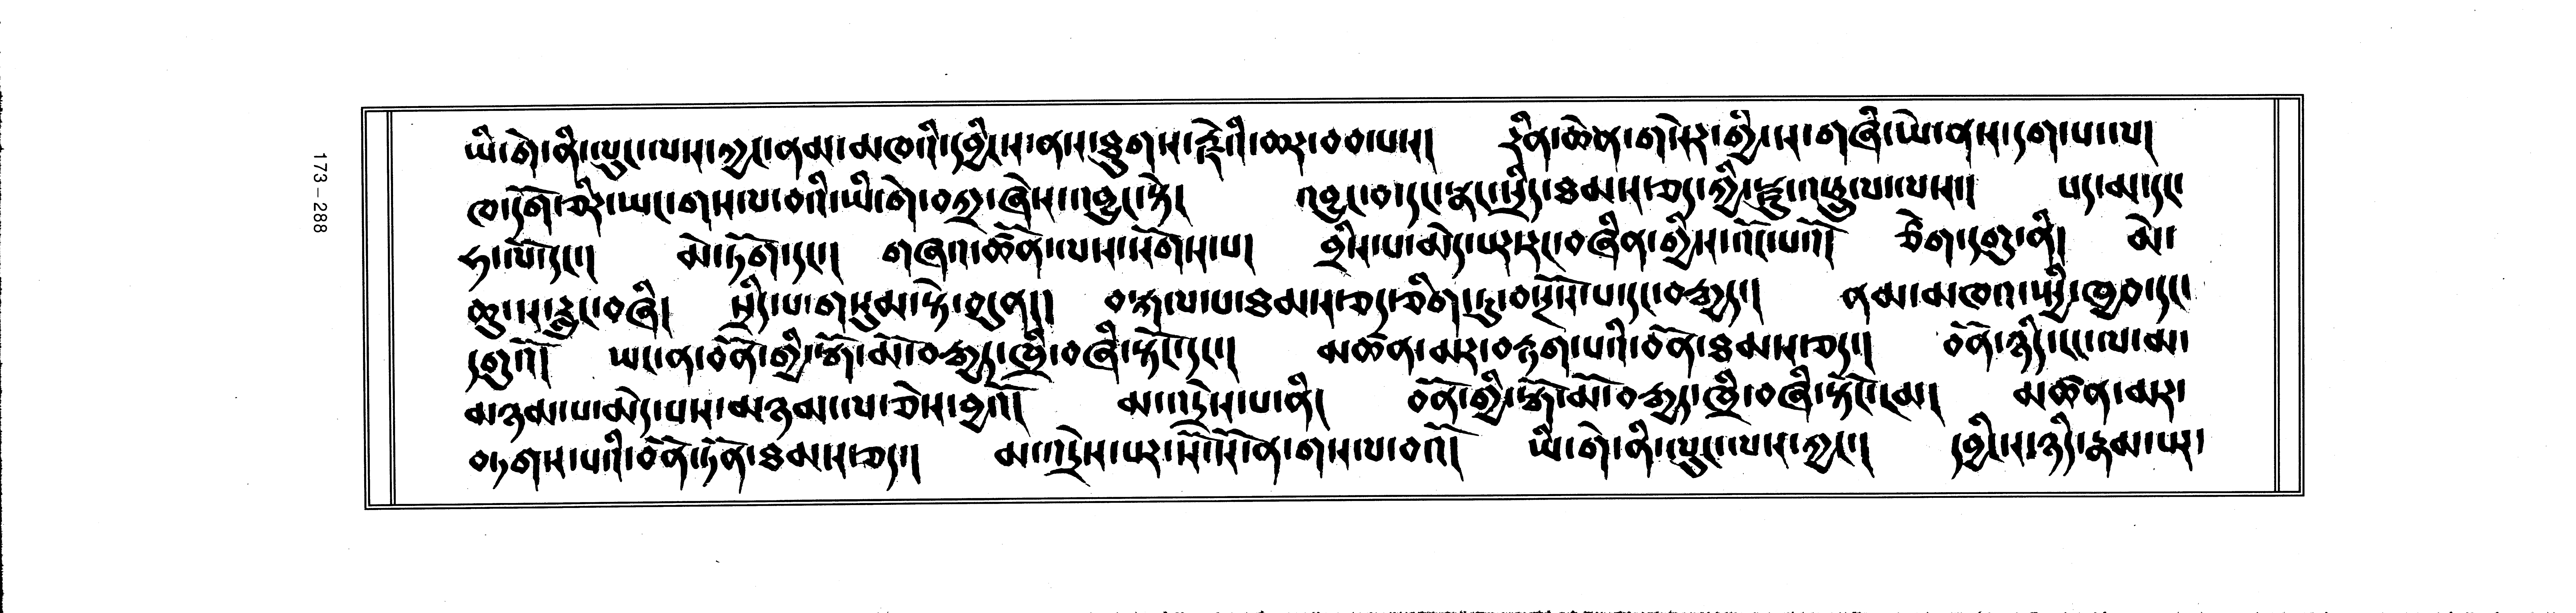ཡི་གེ་ནི་ལུང་ལས་ཀྱང་། ནམ་མཁའི་དབྱིངས་ནས་ཐུགས་རྗེའི་ཆར་བབས་པས། རིན་ཆེན་གསེར་གྱི་ས་གཞི་ཡེ་ནས་དག་པ་ལ། 
ཁ་དོག་ཅིར་ཡང་གསལ་བའི་ཡི་གེ་བཀྲ་ཞེས་འབྱུང་སྟེ། འབྱུང་བ་དང་སྣང་སྲིད་ཐམས་ཅད་ཀྱི་རྫུ་འཕྲུལ་ལས། པད་མ་དང་། 
ཧ་ལོ་དང་། མེ་ཏོག་དང་། གཞའ་ཚོན་ལ་སོགས་པ། བྲིས་པ་མེད་པ་རང་བཞིན་གྱིས་འོང་བའོ། །ཙེག་དགུ་ནི། མེ་
ཆུ་ས་རླུང་བཞི། སྲིད་པ་གསུམ་སྟེ་བདུན། བསྐལ་པ་ཐམས་ཅད་གཅིག་ཏུ་བསྔོས་༼བསྡོམས༽པ་དང་བརྒྱད། ནམ་མཁའ་སྤྱི་ཁྱབ་དང་
དགུའོ། །ཡང་ན་བོན་གྱི་སྒོ་མོ་བརྒྱད་ཁྲི་བཞི་སྟོང་དང་། མཚན་མར་བརྟགས་པའི་བོན་ཐམས་ཅད། བོན་ཉིད་ངང་ལ་མ་
མཉམ་པ་མེད་པས་མཉམ་ལ་ཅེས་བྱའོ། །མ་འདྲེས་པ་ནི། བོན་གྱི་སྒོ་མོ་བརྒྱད་ཁྲི་བཞི་སྟོང་ངམ། མཚན་མར་
བཏགས་པའི་བོན་ཏོན་༼༽ཐམས་ཅད། མ་འདྲེས་པར་སོ་སོ་ན་གསལ་བའོ། །ཡི་གེ་ནི་ལུང་ལས་ཀྱང་། དབྱིངས་ཉིད་རྣམ་པར་